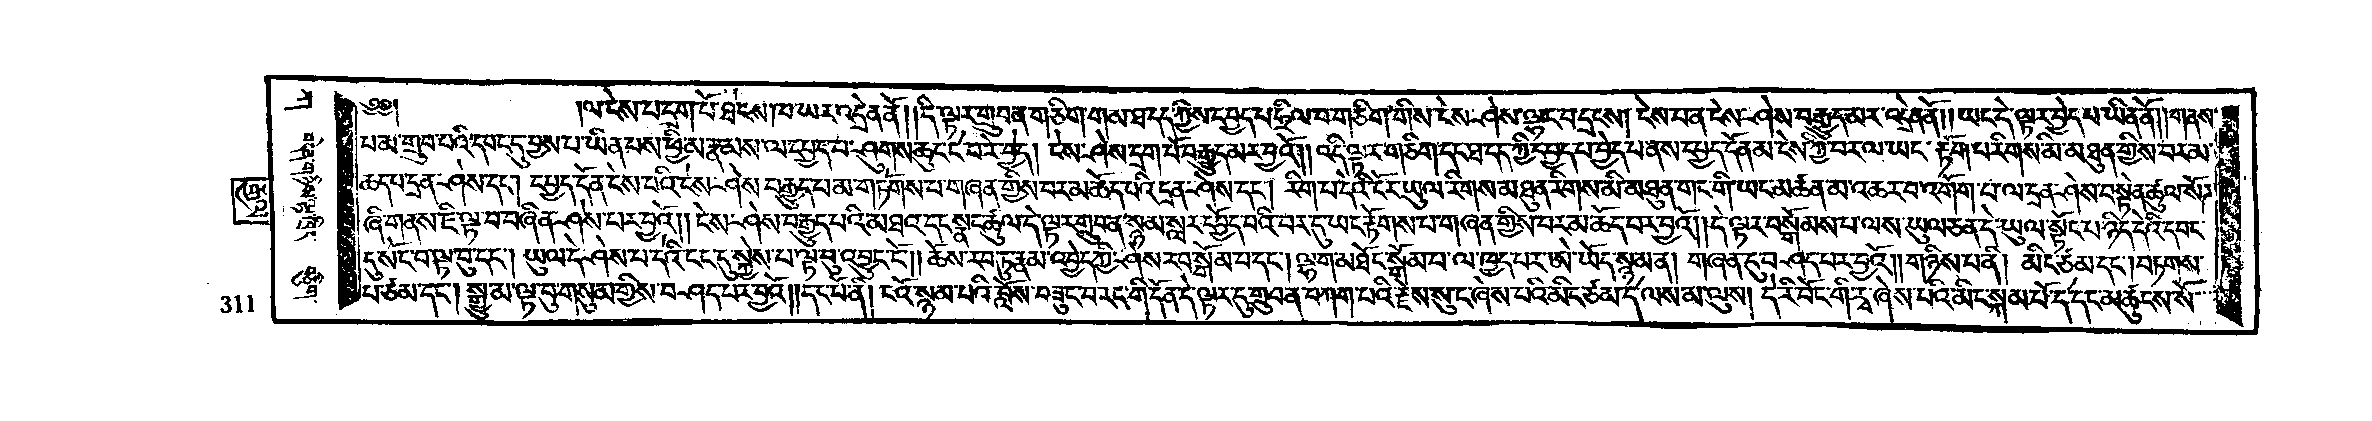༄༅། །ལ་ངེས་པ་དྲག་པོ་ཐེངས་ཁ་ཡར་འདྲེན་ནོ། །དེ་ལྟར་གྲུབ་ན་གཅིག་གམ་ཐ་དད་ཀྱིས་དབྱད་པ་ཧྲིལ་བ་གཅིག་གིས་ངེས་ཤེས་ལྷང་བ་དྲངས། ངེས་པ་ན་ངེས་ཤེས་བརྒྱུད་མར་འདྲེན་ནོ། །ཡང་དེ་ལྟར་བྱེད་པ་ཡིན་ནོ། །གནས་
པ་མ་གྲུབ་པའི་དབང་དུ་བྱས་པ་ཡིན་པས་ཕྱི་མ་རྣམས་ལ་དཔྱད་པ་ཤུགས་ཆུང་ངེ་བ་རེ་བྱེད། ངེས་ཤེས་དྲག་པོ་བརྒྱུད་མར་བྱའོ། །འདི་ལྟར་གཅིག་དང་ཐ་དད་ཀྱི་དཔྱད་པ་བྱེད་པ་ནས་དཔྱད་དོན་མ་ངེས་ཀྱི་བར་ལ་ཡང་རྟོག་པ་རིགས་མི་མཐུན་གྱིས་བར་མ་
ཆད་པ་དྲན་ཤེས་དང་། དཔྱད་དོན་ངེས་པའི་ངེས་ཤེས་བརྒྱུད་པ་མ་གཏོགས་པ་གཞན་གྱིས་བར་མཆོད་པའི་དྲན་ཤེས་དང་། རིག་པ་དེའི་ངོར་ཡུལ་རིགས་མཐུན་རིགས་མི་མཐུན་གང་གི་ཡང་མཚན་མ་འཆར་བ་འགོག་པ་ལ་དྲན་ཤེས་བསྟེན་ཚུལ་སོགས་
ཞི་གནས་ཇི་ལྟ་བ་བཞིན་ཤེས་པར་བྱའོ། །ངེས་ཤེས་བརྒྱུད་པའི་མཐའ་དང་སྣང་ཚུལ་དེ་ལྟར་གྲུབ་ན་སྙམ་སླར་དཔྱོད་པའི་བར་དུ་ཡང་རྟོགས་པ་གཞན་གྱིས་བར་མ་ཆོད་པར་བྱའོ། །དེ་ལྟར་བསྒོམས་པ་ལས་ཡུལ་ཅན་དེ་ཡུལ་སྟོང་པ་ཉིད་དེའི་དབང་
དུ་སོང་བ་ལྟ་བུ་དང་། ཡུལ་དེ་ཤེས་པ་དེའི་ངང་དུ་སྐྱེས་པ་ལྟ་བུ་འབྱུང་ངོ། །ཆོས་རབ་ཏུ་རྣམ་འབྱེད་ཀྱི་ཤེས་རབ་སྒོམ་པ་དང་། ལྷག་མཐོང་སྒོམ་པ་ལ་ཁྱད་པར་ཨེ་ཡོད་སྙམ་ན། གཞན་དུ་བཤད་པར་བྱའོ། །གཉིས་པ་ནི། མིང་ཙམ་དང་། བཏགས་
པ་ཙམ་དང་། སྒྱུ་མ་ལྟ་བུ་གསུམ་གྱིས་བཤད་པར་བྱའོ། །དང་པོ་ནི། ངའོ་སྙམ་པའི་བློས་བཟུང་བ་རང་གི་དོན་དེ་ལྟར་དུ་གྲུབ་ན་བཀག་པའི་རྗེས་སུ་ང་ཞེས་པའི་མིང་ཙམ་དེ་ལས་མ་ལུས། དེ་རི་བོང་གི་རྭ་ཞེས་པའི་མིང་སྐམ་པོ་དེ་དང་མཚུངས་སོ་